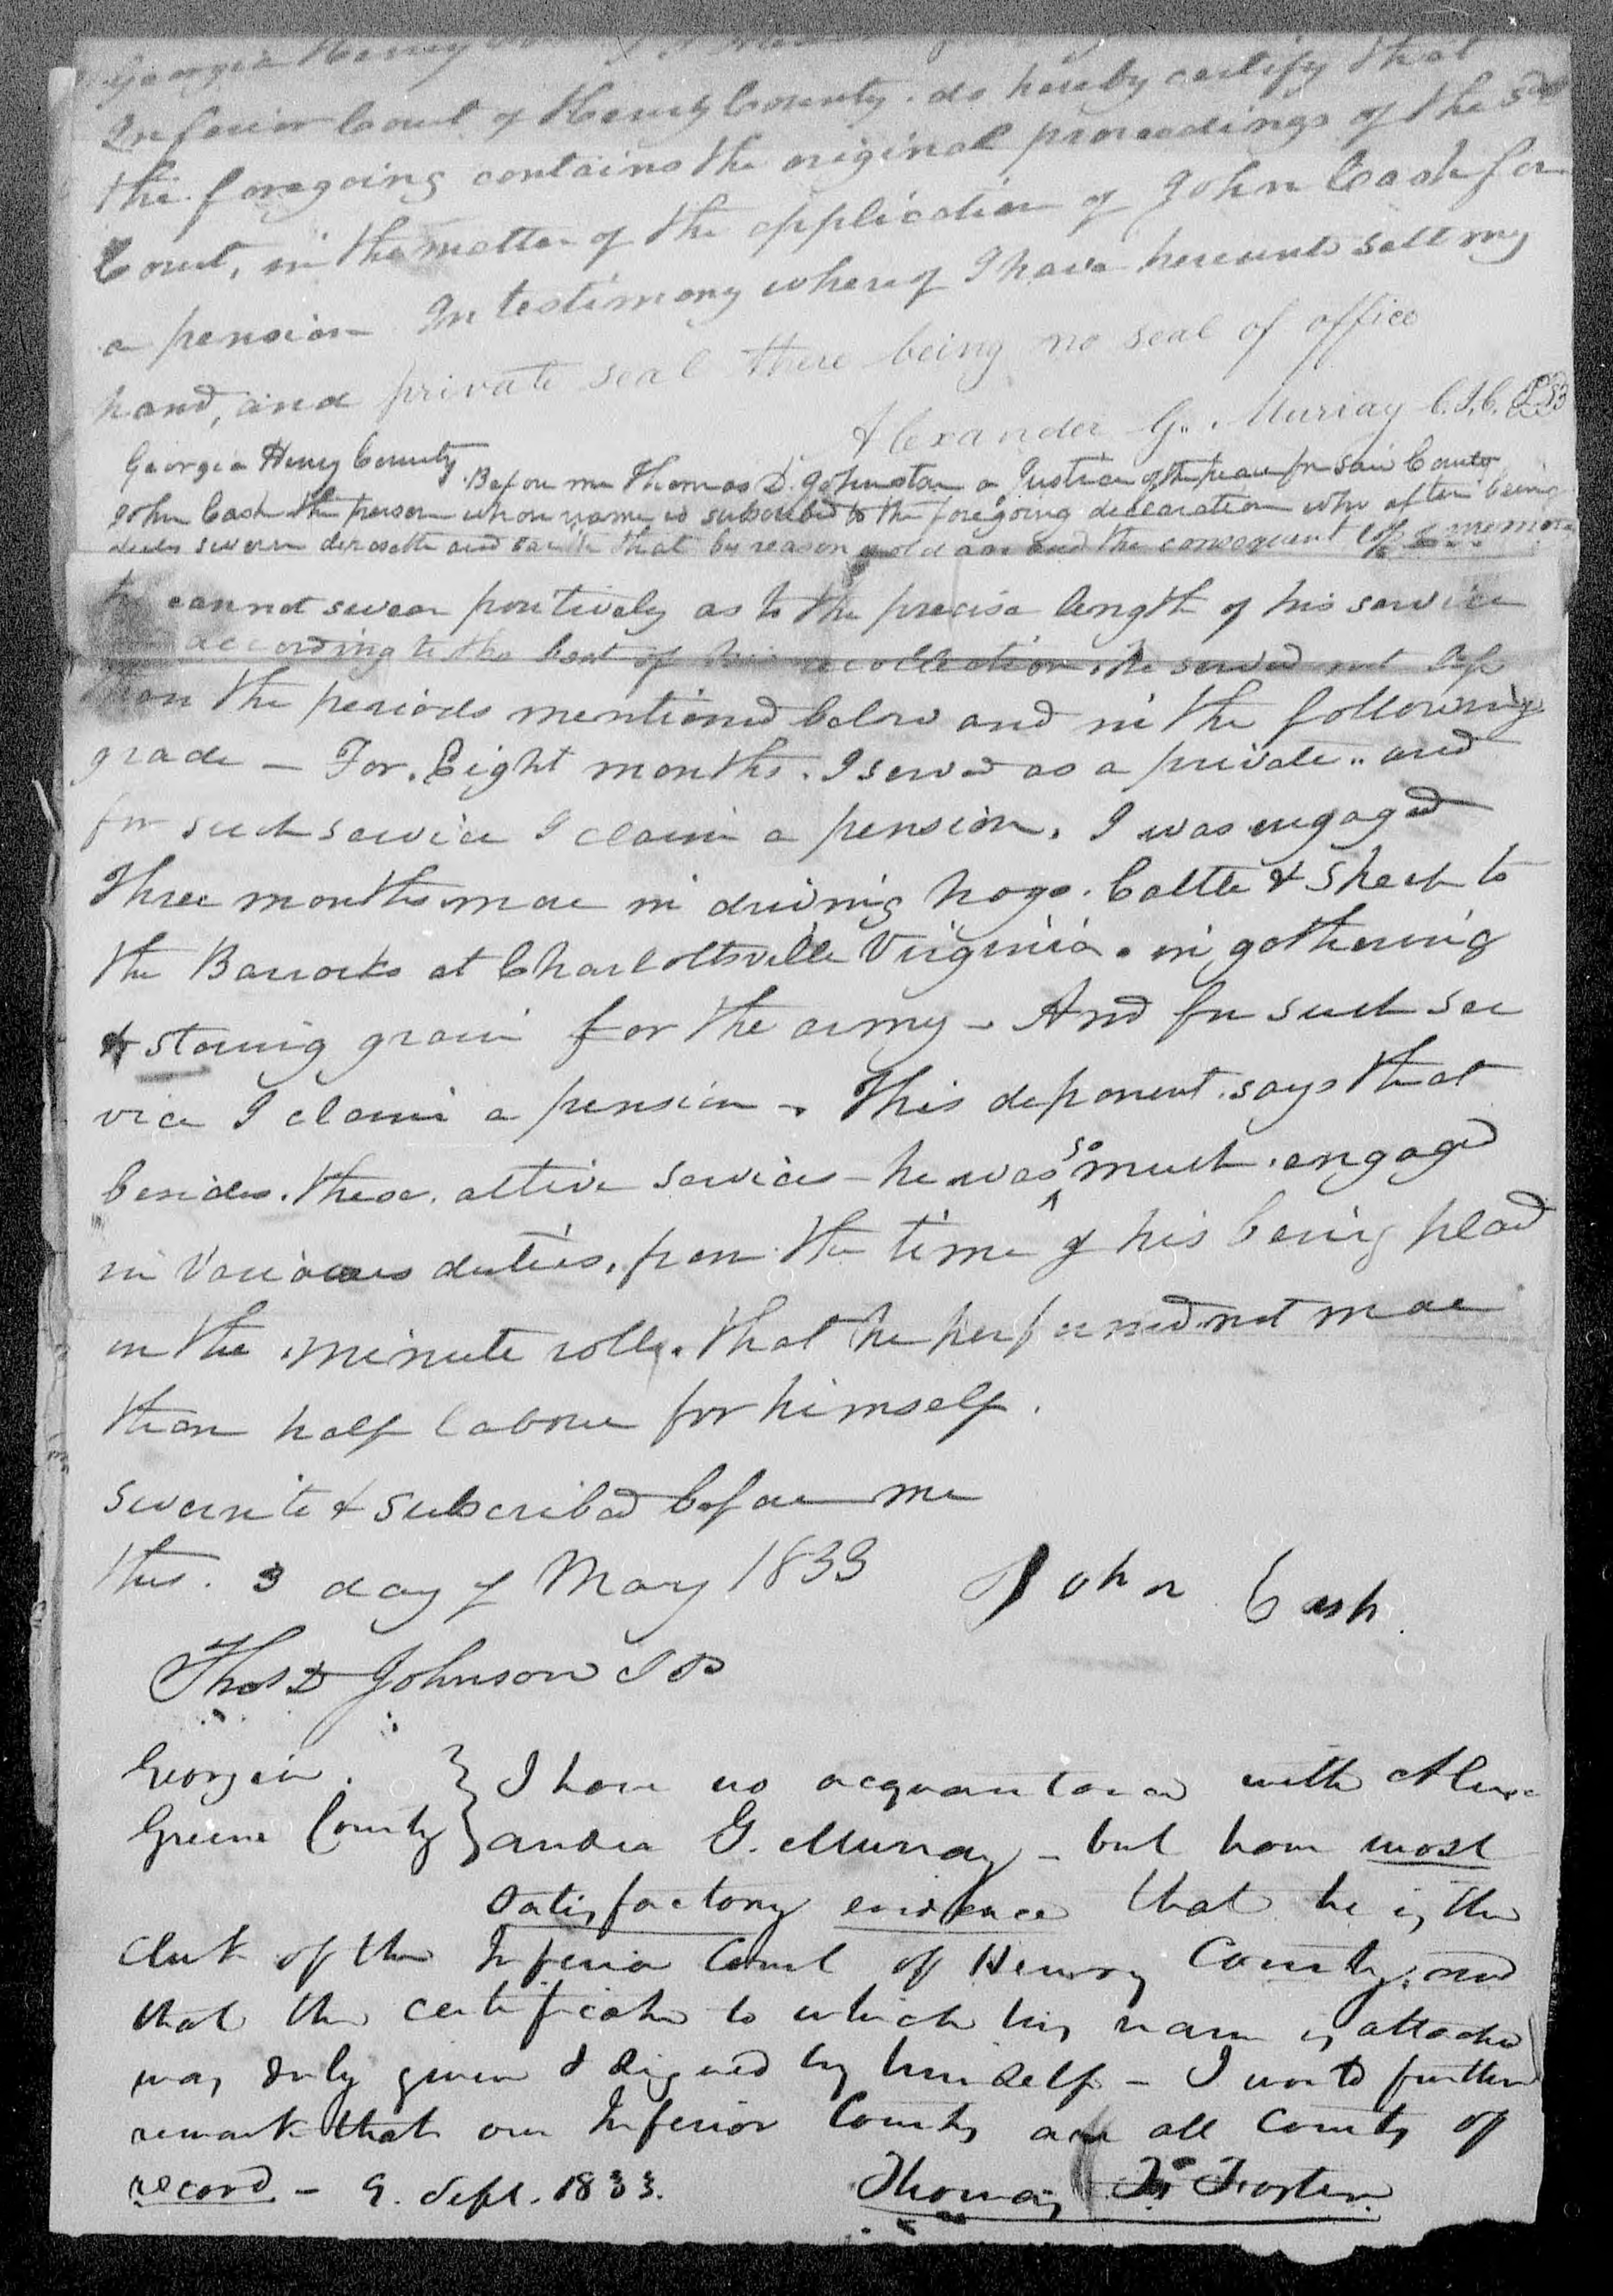Georgia Henry County
I ____ of the Inferior Court of Henry County do hereby certify that the
foregoing contains the original proceedings of the Court, in the matter of the application of John Cash for a pension. In testimony whereof I have hereunto set my
hand, and private seal there being no seal of office.
Alexander G. Murray J.C.


Georgia Henry County 
Before me, Thomas D. Johnston a Justice of the peace for said county, John Cash the person whose name is subscribed to the foregoing declaration who after being duly sworn deposeth and saith that by reason of age and the consequent of such cannot swear positively as to the precise length of his service according to the best of  the periods mentioned below and in the following grade - For Eight months. I served as a private, and for such service I claim a pension, I was engaged Three months more in driving hogs, Cattle & sheep to the Barracks at Charlottsville Virginia in gathering
of storing grain for the army. And for such service I claim a pension. This deponent says that besides these, active service - he was much engaged in various duties, from the time of his being head of the
minute rolls, that he performed not more than half labor for himself.

Sworn to & subscribed before me
this 3 day of May 1833 
              John Cash
Thomas G. Johnston JP


Georgia 
Greene County
I have no acquaintance with Alexander G. Murray - but have most satisfactory evidence that he is the Clerk of the Inferior Court of Henry County, and that the certificate to which his name is attached was duly given & signed by himself-- I would further remark that on all Inferior Court of all courts of record.  9 Sept. 1833
     Thomas Foster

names: John Cash, Thomas F Foster, Thomas D Johnston, Thos D Johnson, Alexander G Murray, John Cash, John Cash, Alexander G Murray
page: 8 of 73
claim: widow's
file: W. 5,894, John Cash, Va.